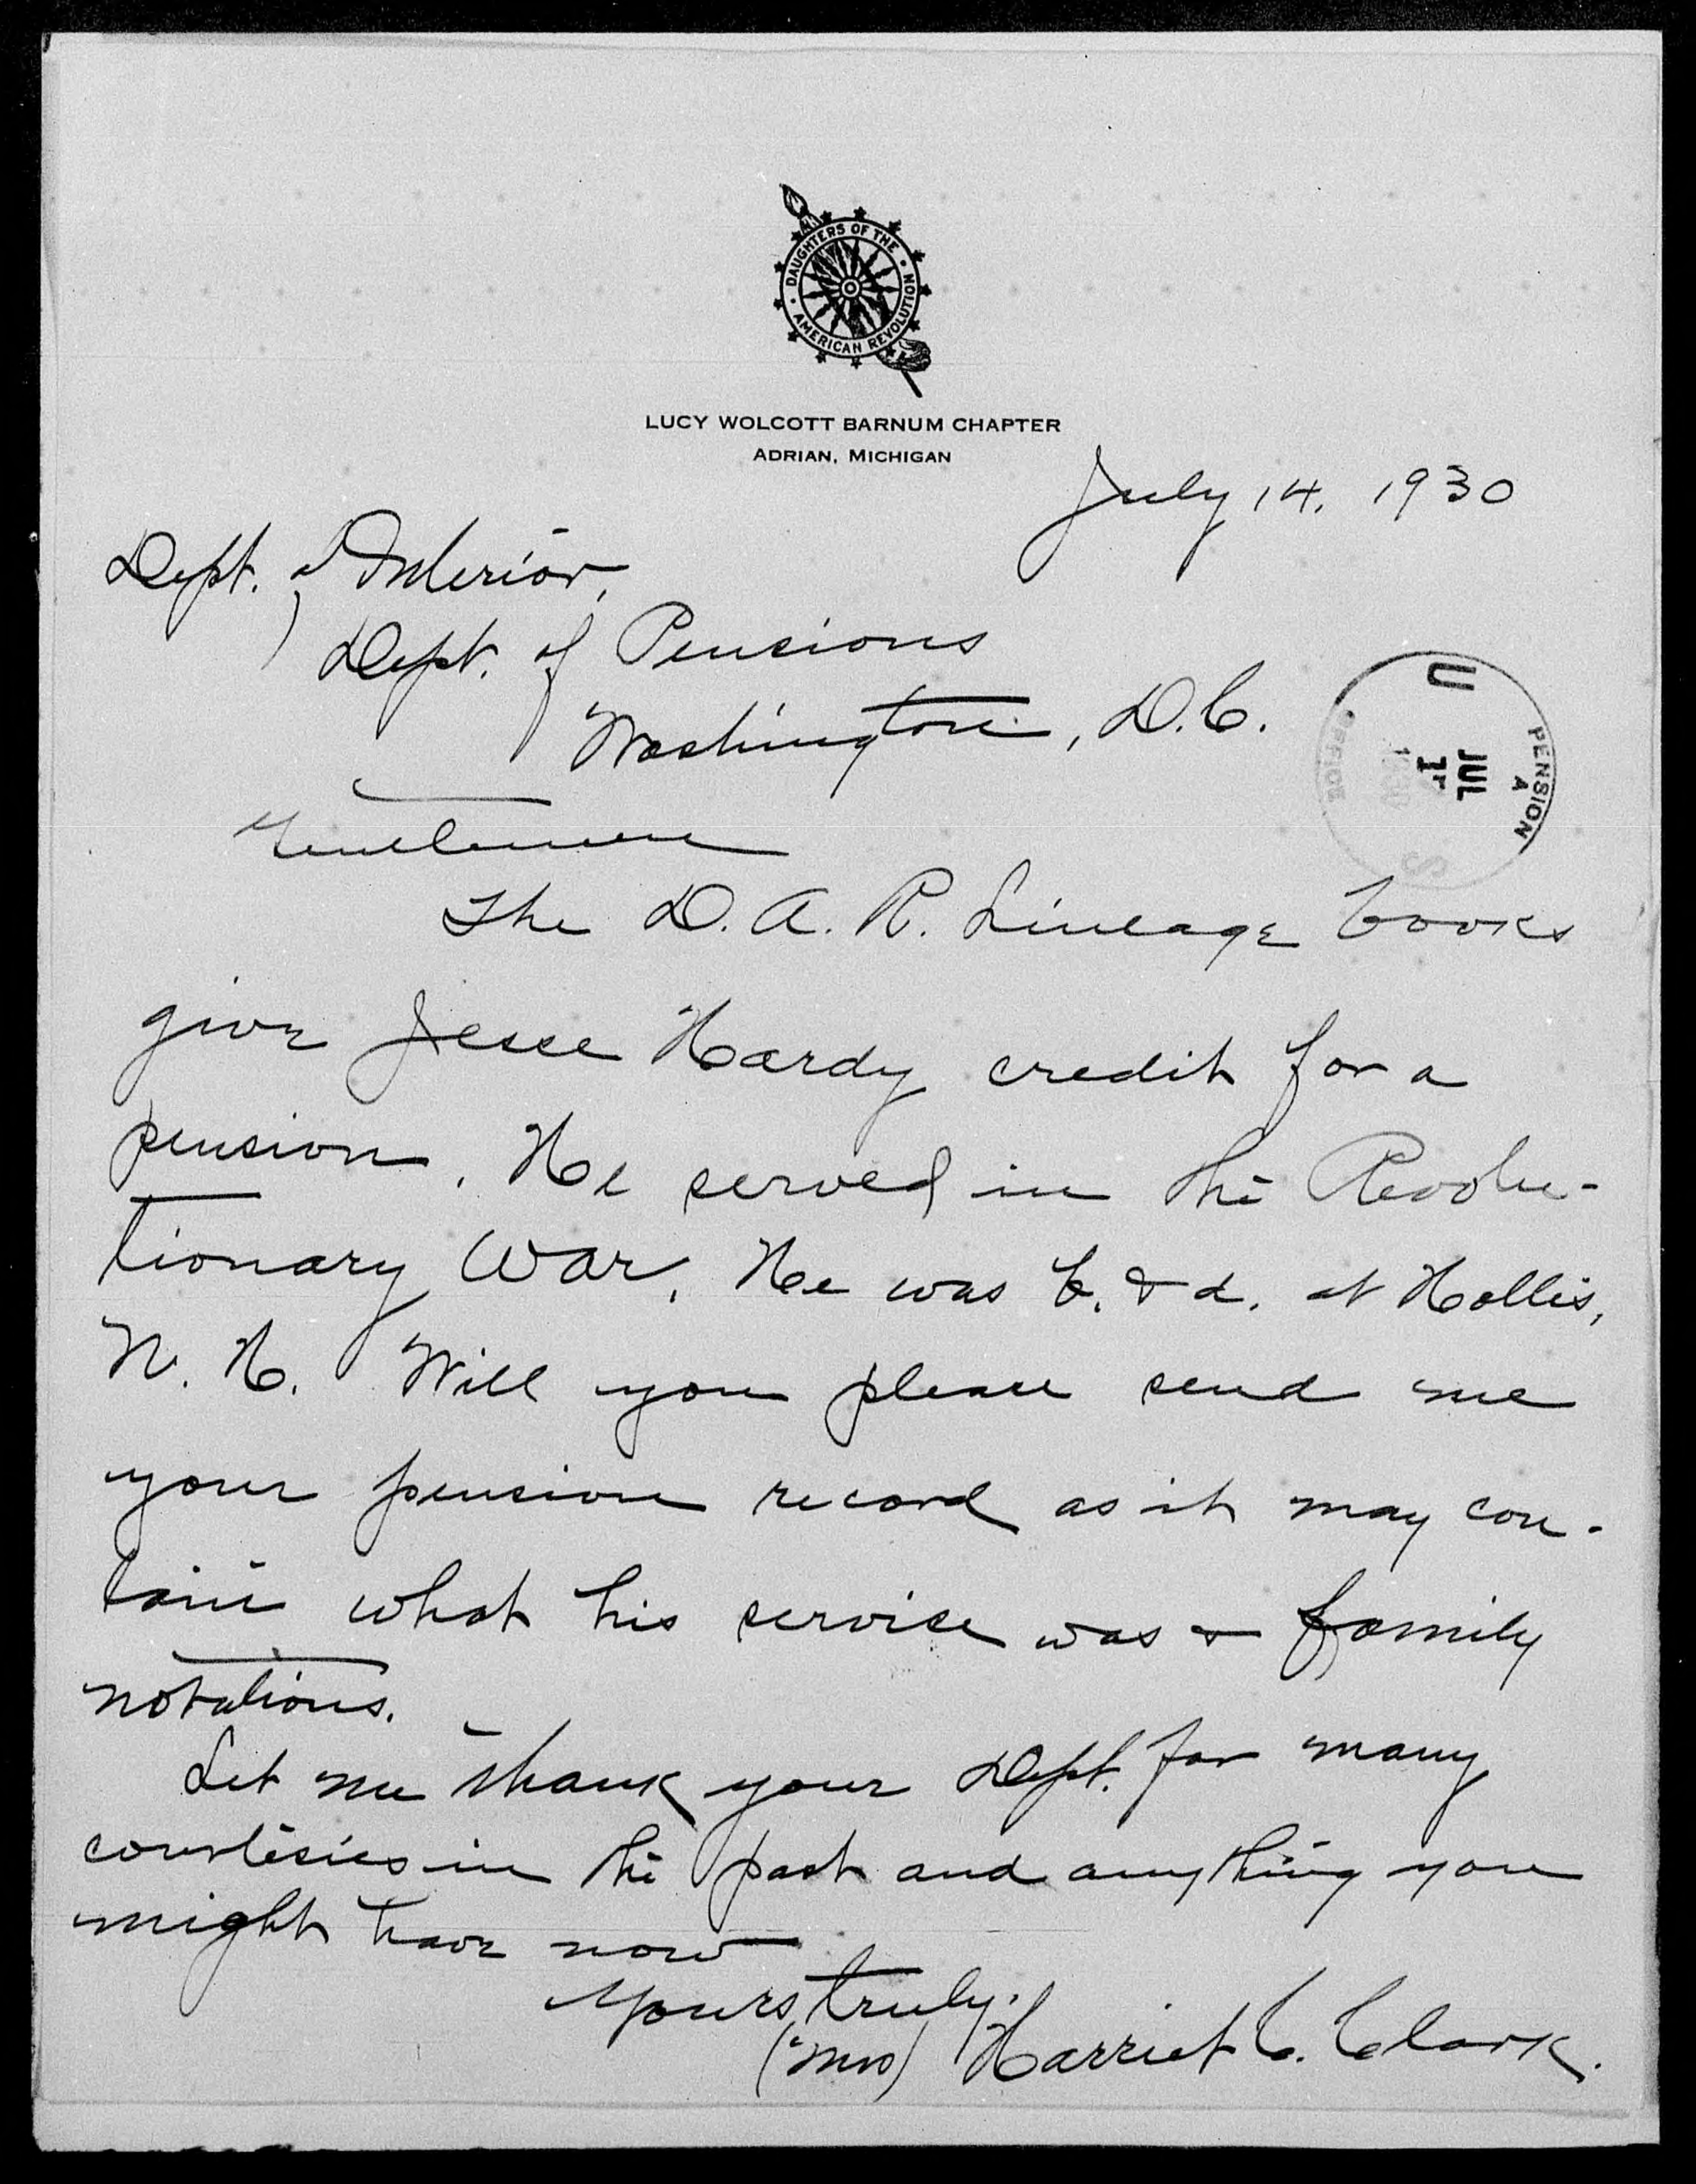[seal: DAUGHTERS OF THE AMERICAN REVOLUTION]
LUCY WOL ADRIAN, MICHIGAN  CHAPTER July 14, 1930
Dept.  Interior Dept. of Pensions Washington D.C.  
GentlemenThe D.A.R. Linage books give Jesse Hardy credit for a Pension. He served in the Revolutionary War. He was b. & d. at Hollis N. H. Will you please send me your pension record as it may contain what his service was & family notations. Let me thank your Dept for many courtesies in the past and anything you might have now
 Yours truly (Mrs) Harriet C. Clark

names: Harriet C Clark, Lucy Wolcott Barnum, Jesse Hardy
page: 26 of 67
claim: widow's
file: W. 23183, Jesse Hardy, Mass.